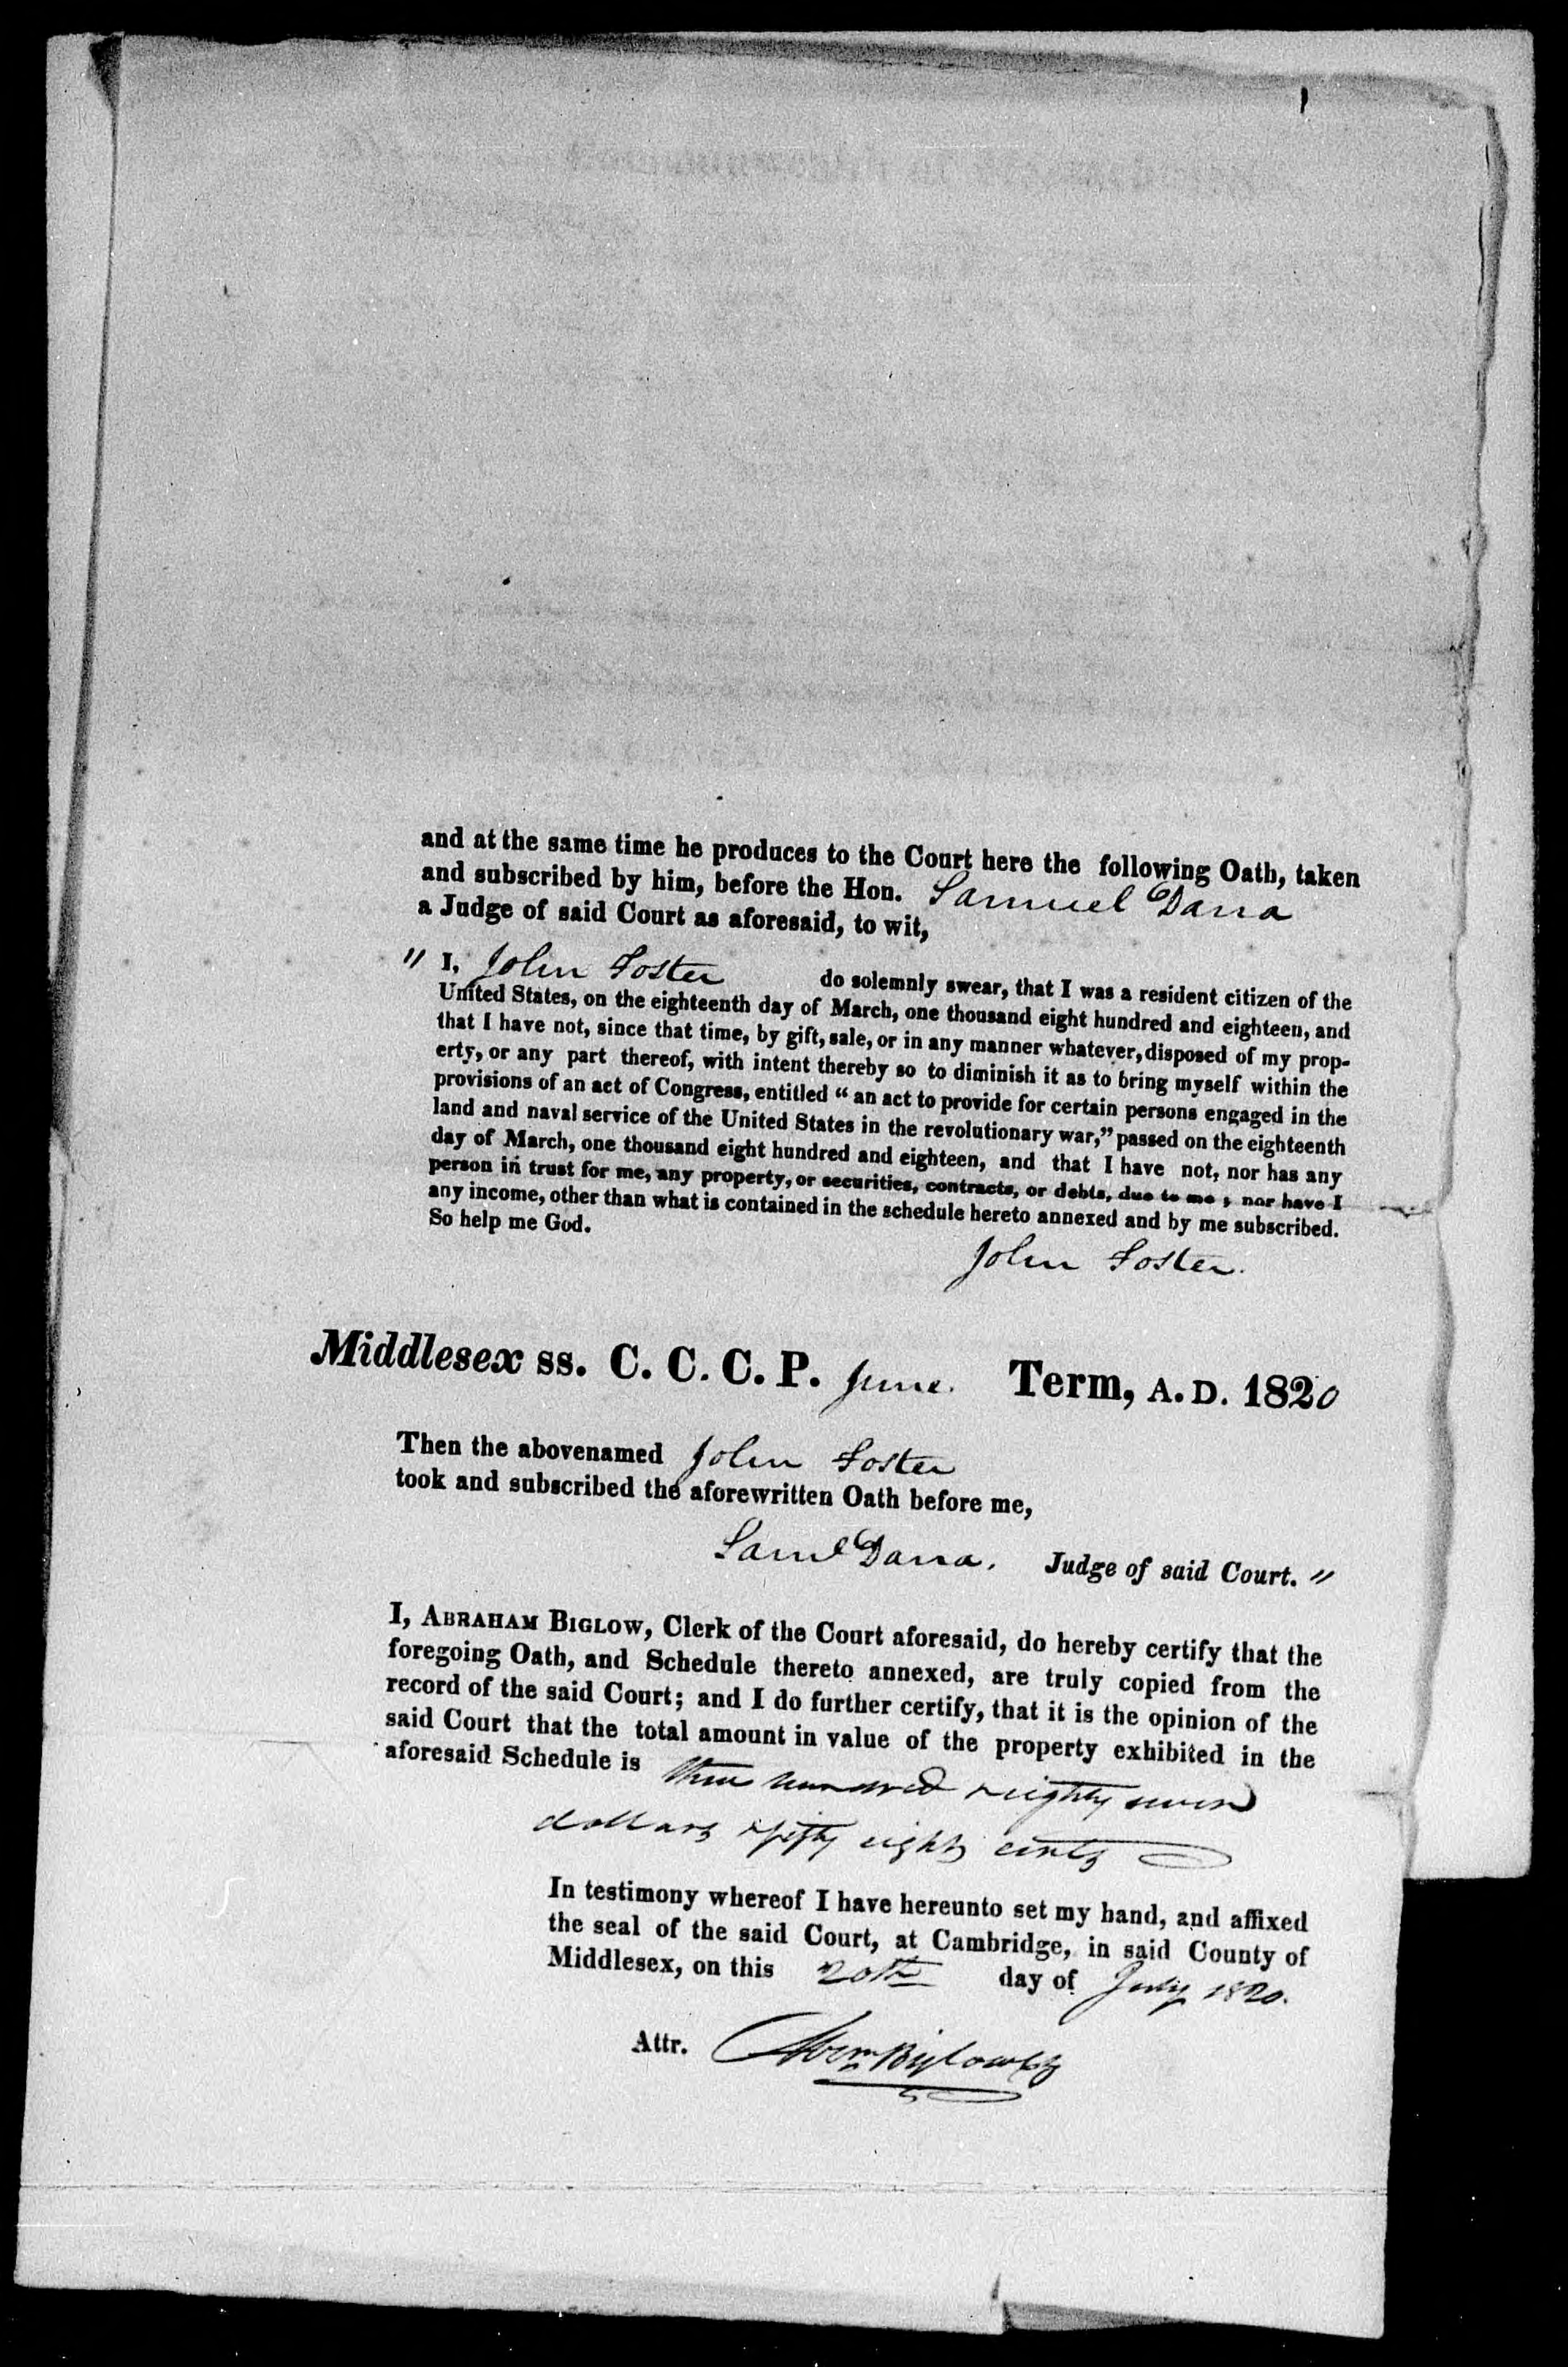and at the same time he produces to the Court here the following Oath, taken and subscribed by him, before the Hon. Samuel Dana a Judge of said Court as aforesaid, to wit,
"I, John Foster do solemnly swear, that I was a citizen of the United States, on the eighteenth day of March, one thousand eight hundred and eighteen and that I have not, since that time, by gift, sale, or in any manner whatever, disposed of my property, or any part thereof, with intent thereby so to diminish it as to bring myself within the provisions of an act of Congress, entitled "an act to provide for certain persons engaged in the land and naval service of the United States in the revolutionary war," passed on the eighteenth day of March, one thousand eight hundred and eighteen, and that I have not, nor has any person in trust for me, any property, or securities, contracts, or debts, due to me; nor have I any income, other than what is contained in the schedule hereto annexed and by me subscribed.  So help me God.
John Foster
Middlesex ss. C. C. C. P. June Term, A. D. 1820
Then the abovenamed John Foster took and subscribed the aforewritten Oath before me, Saml Dana, Judge of said Court"
I, ABRAHAM BIGLOW, Clerk of the Court aforesaid, do hereby certify that the foregoing Oath, and Schedule thereto annexed, are truly copied from the record of the said Court; and I do further certify, that it is the opinion of the said Court that the total amount in value of the property exhibited in the aforesaid Schedule is three hundred eighty seven dollars & fifty eight cents
In testimony whereof I have hereunto set my hand, and affixed the seal of the said Court, at Cambridge, in said County of Middlesex, on this 20th day of July 1820.
Attr. Abrm Biglow Clk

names: John Foster, John Foster, Abrm Biglow, Saml Dana, John Foster, Samuel Dana, Abraham Biglow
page: 10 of 47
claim: widow's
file: W. 7,302, John Foster, Continental Mass. R.I.